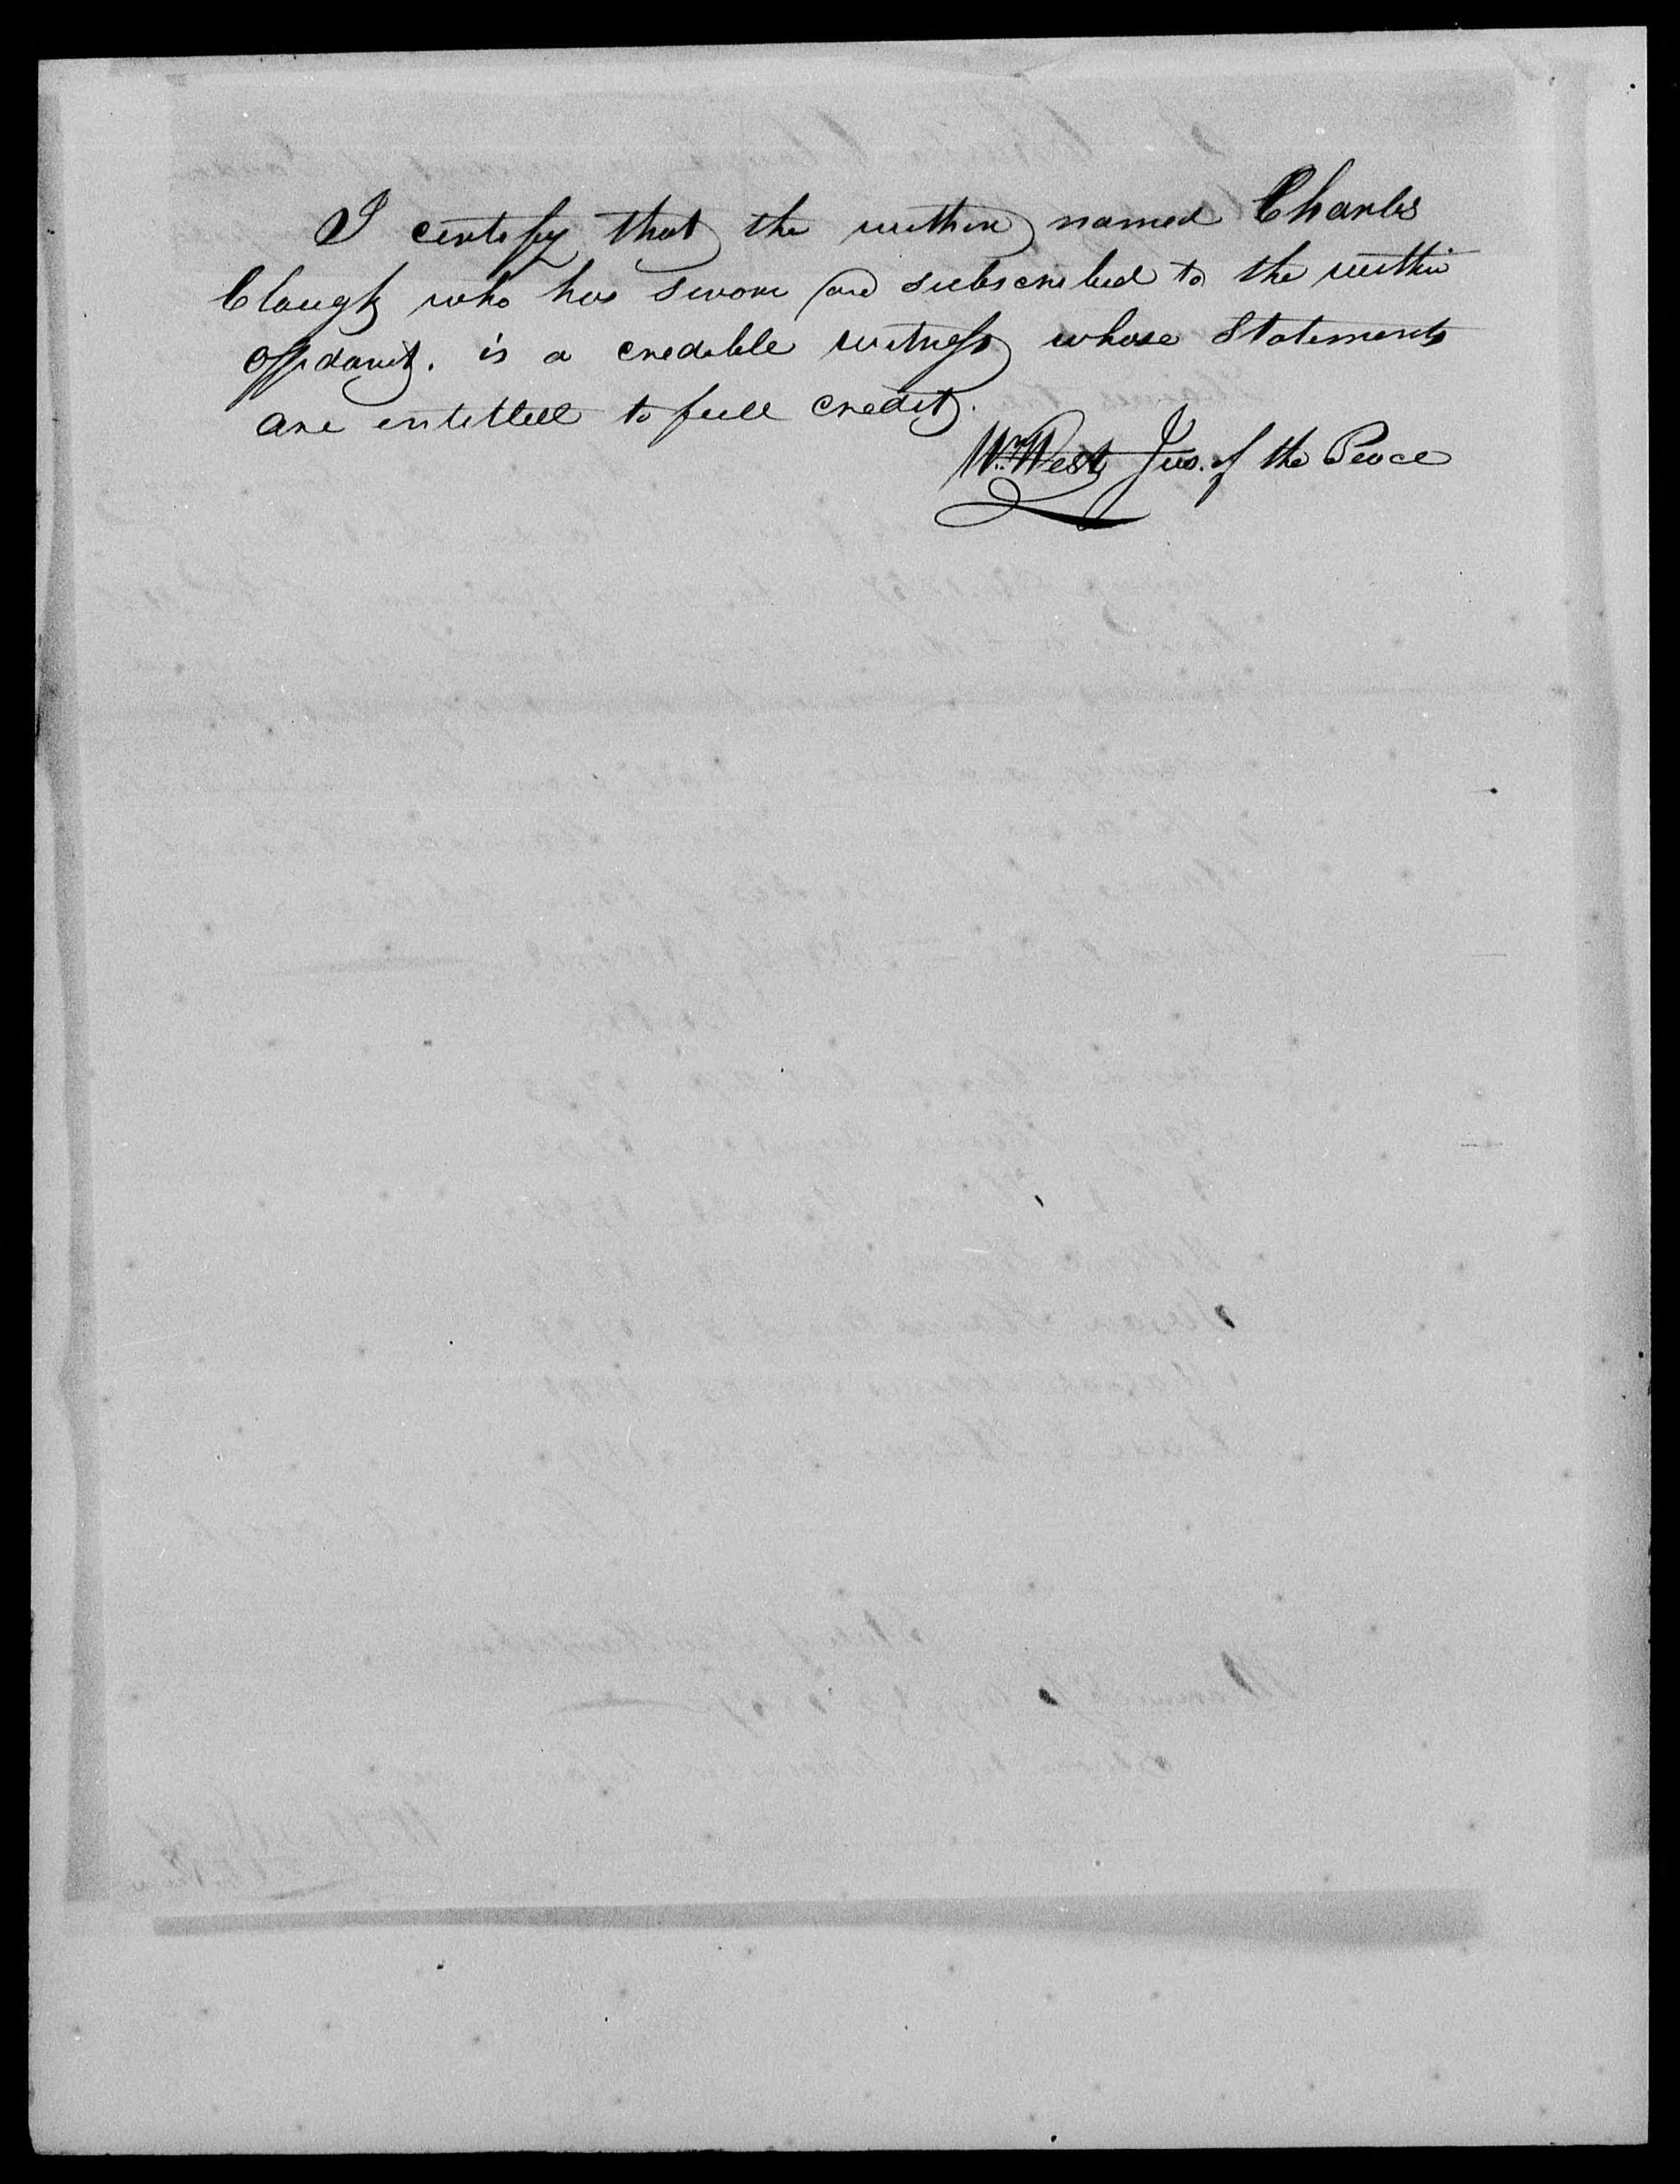I certify that the within named Charles Clough, who has sworn and subscribed to the within affidavit, is a credible witness whose Statements are entitled to full credit.

     Wm. West.  Jus. of the Peace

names: Charles Clough, Wm West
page: 15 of 57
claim: widow's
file: W. 23217, Thomas Haines, N H